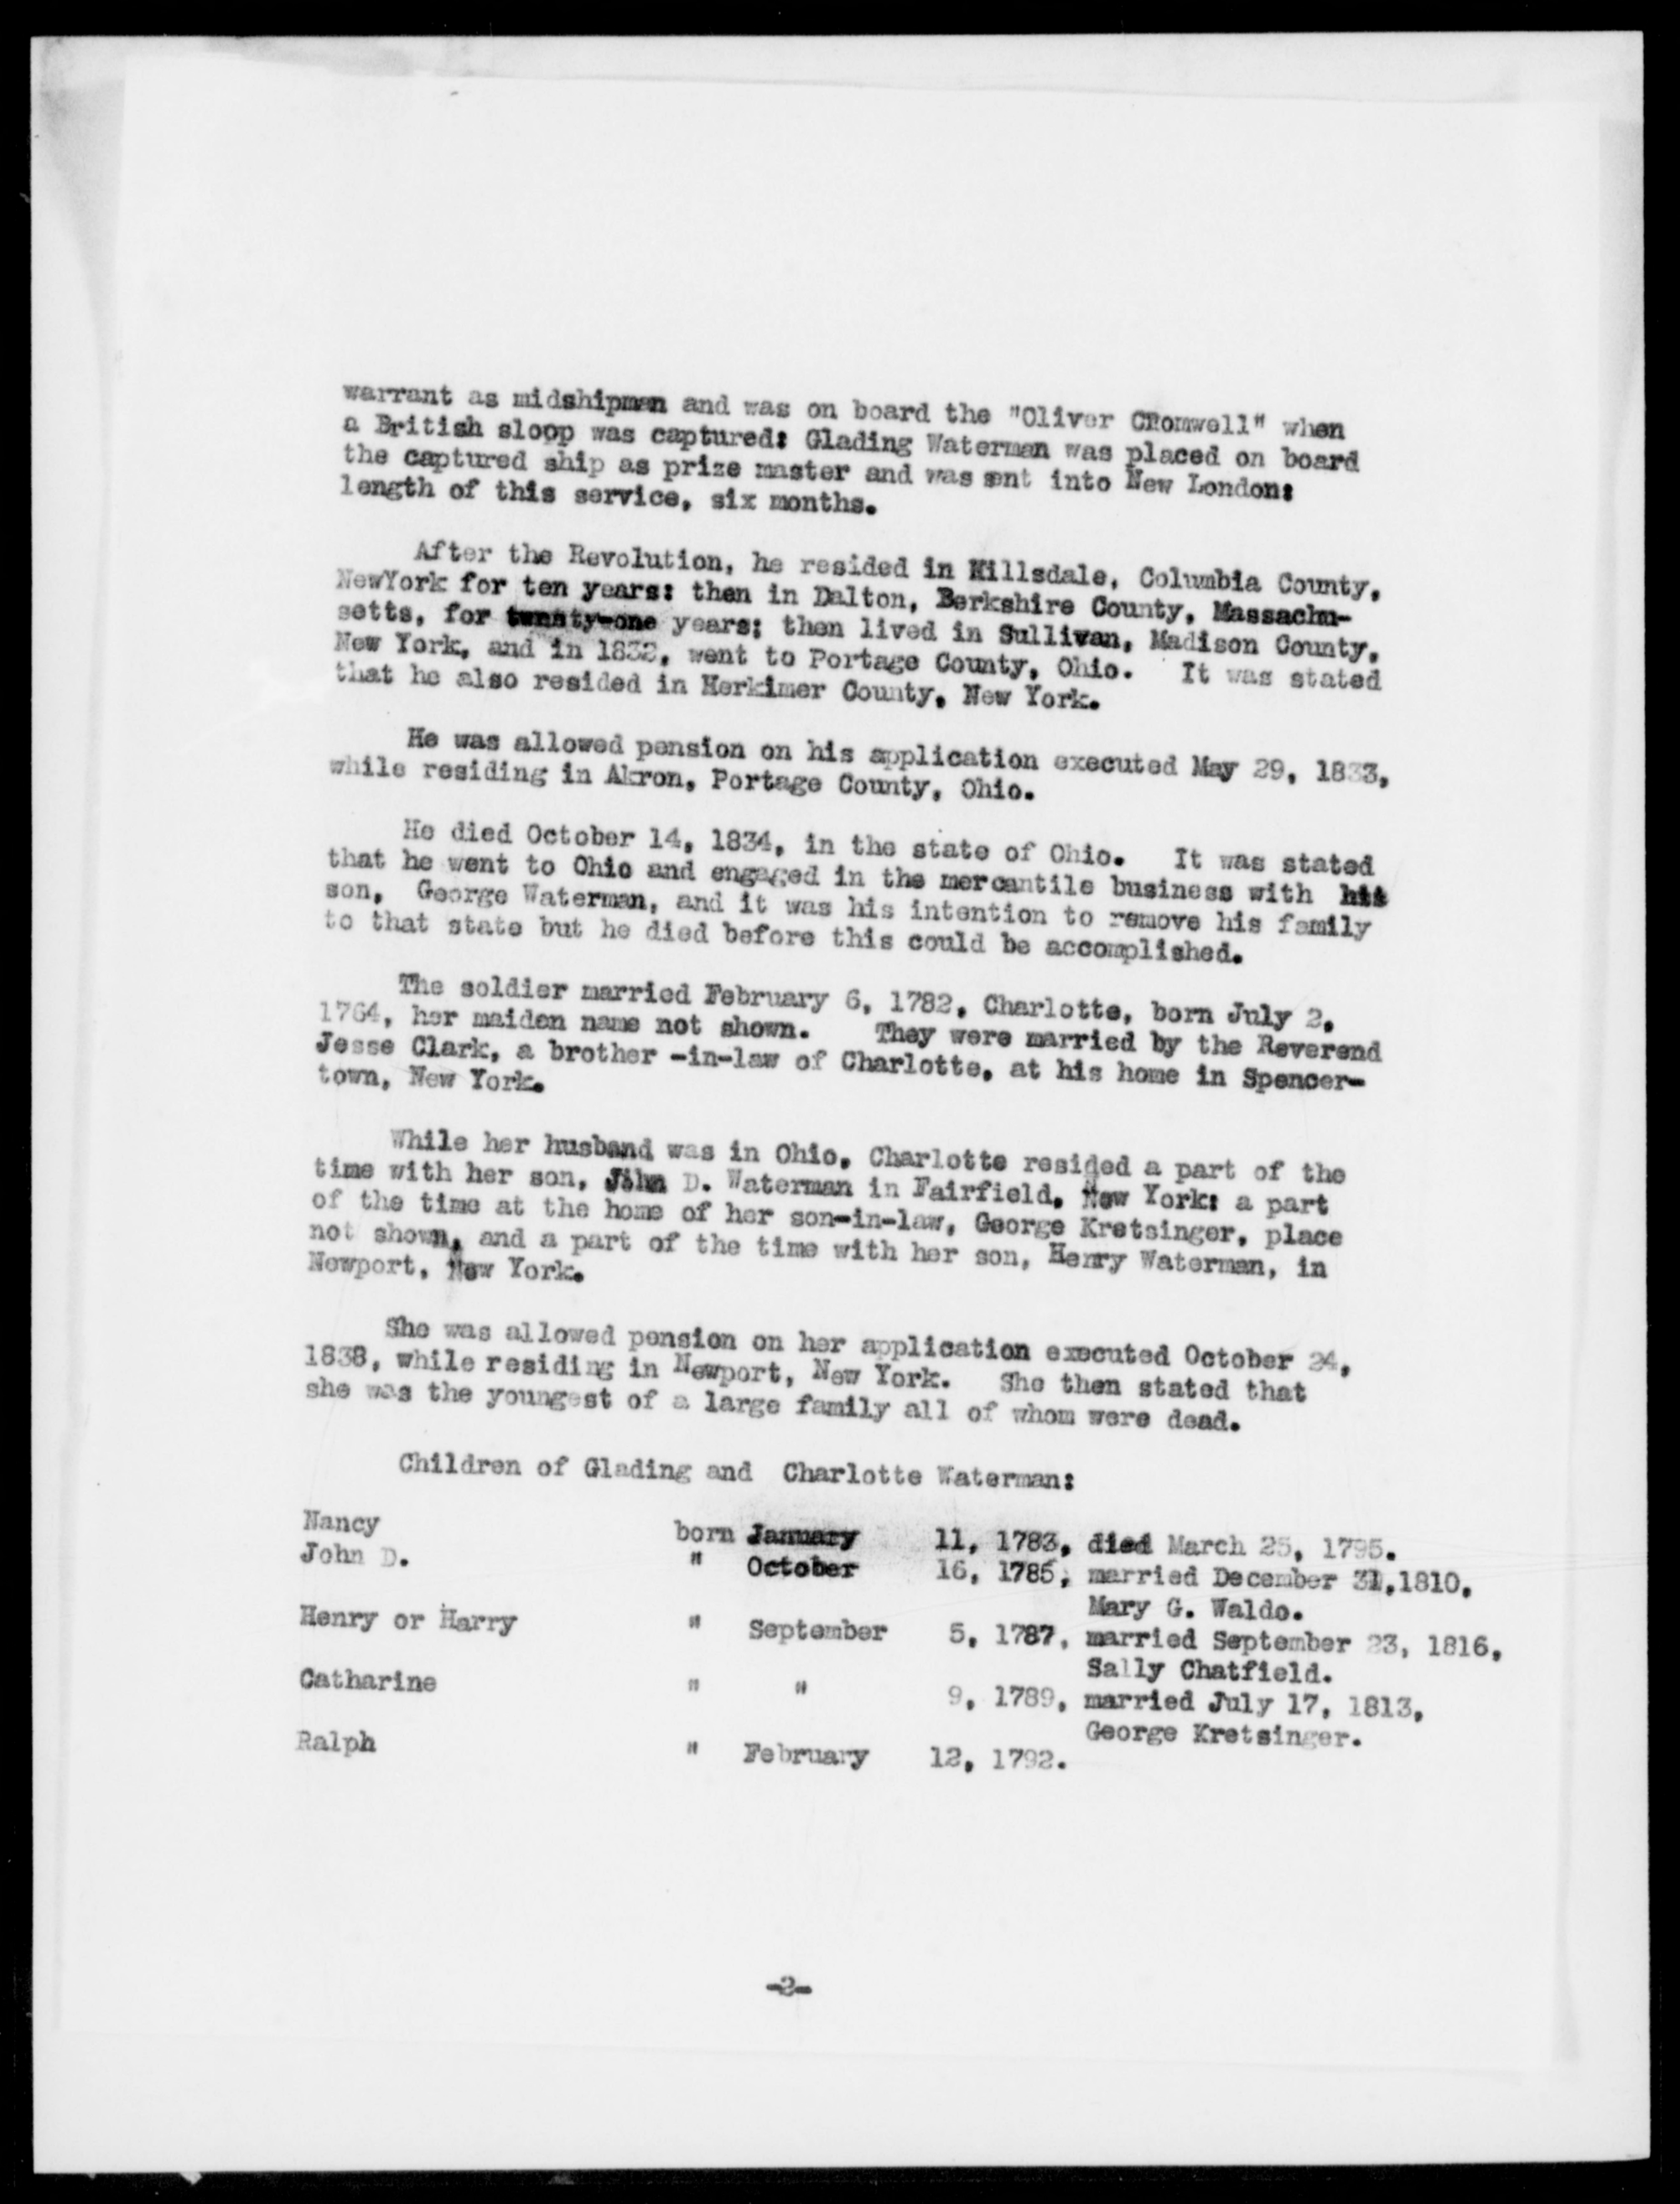warrant as midshipman and was on board the "Oliver Cromwell" when a British sloop was captured: Glading Waterman was placed on board the captured ship as prize master and was sent into New London: length of this service, six months.

      After the Revolution, he resided Hillsdale, Columbia County, New York for ten years: then in Dalton, Berkshire County, Massachusetts, for twenty-one years; then lived in Sullivan, Madison County, New York, and in 1832, went to Portage County, Ohio. It was stated that he also resided in Herkimer County, New York.

       He was allowed pension on his application executed May 29, 1833, while residing in Akron, Portage County, Ohio.

         He died October 14, 1834, in the state of Ohio. It was stated that he went to Ohio and engaged in the mercantile business with his son, George Waterman, and it was his intention to remove his family to that state but he died before this could be accomplished.

        The soldier married February 6, 1782 Charlotte, born July 2, 1764, her maiden name not shown. They were married by the Reverend Jesse Clark, a brother-in-law of Charlotte, at his home in Spencertown, New York.

          While her husband was in Ohio, Charlotte resided a part of the time with her son, John D. Waterman in Fairfield, New York: a part of the time at the home of her son-in-law, George Kretsinger, place not shown, and a part of the time with her son, Henry Waterman, in Newport, New York.

           She was allowed pension on her application executed October 24, 1838, while residing in Newport, New York. She then stated that she was the youngest of a large family all of whom were dead.

Children of Glading and Charlotte Waterman:

Nancy                born January 11, 1783, died March 25, 1795.

John D.                born October 16, 1785, married December 31, 1810, Mary G. Waldo.

Henry or Harry       born September 5, 1787, married September 23, 1816, Sally Chatfield.

Catharine                  born September 9, 1789, married July  17, 1813, George Kretsinger.

Ralph                          born February 12, 1792.  

                        
                                     -2-
,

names: Sally Chatfield, Mary G Waldo, Charlotte Waterman, Glading Waterman, Ralph, Harry, George Kretsinger, John D Waterman, Jesse Clark, Catharine, Nancy, Henry Waterman, George Waterman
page: 28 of 50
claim: widow's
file: W. 15814, Glading Waterman, Conn. Conn. Sea Service Continental